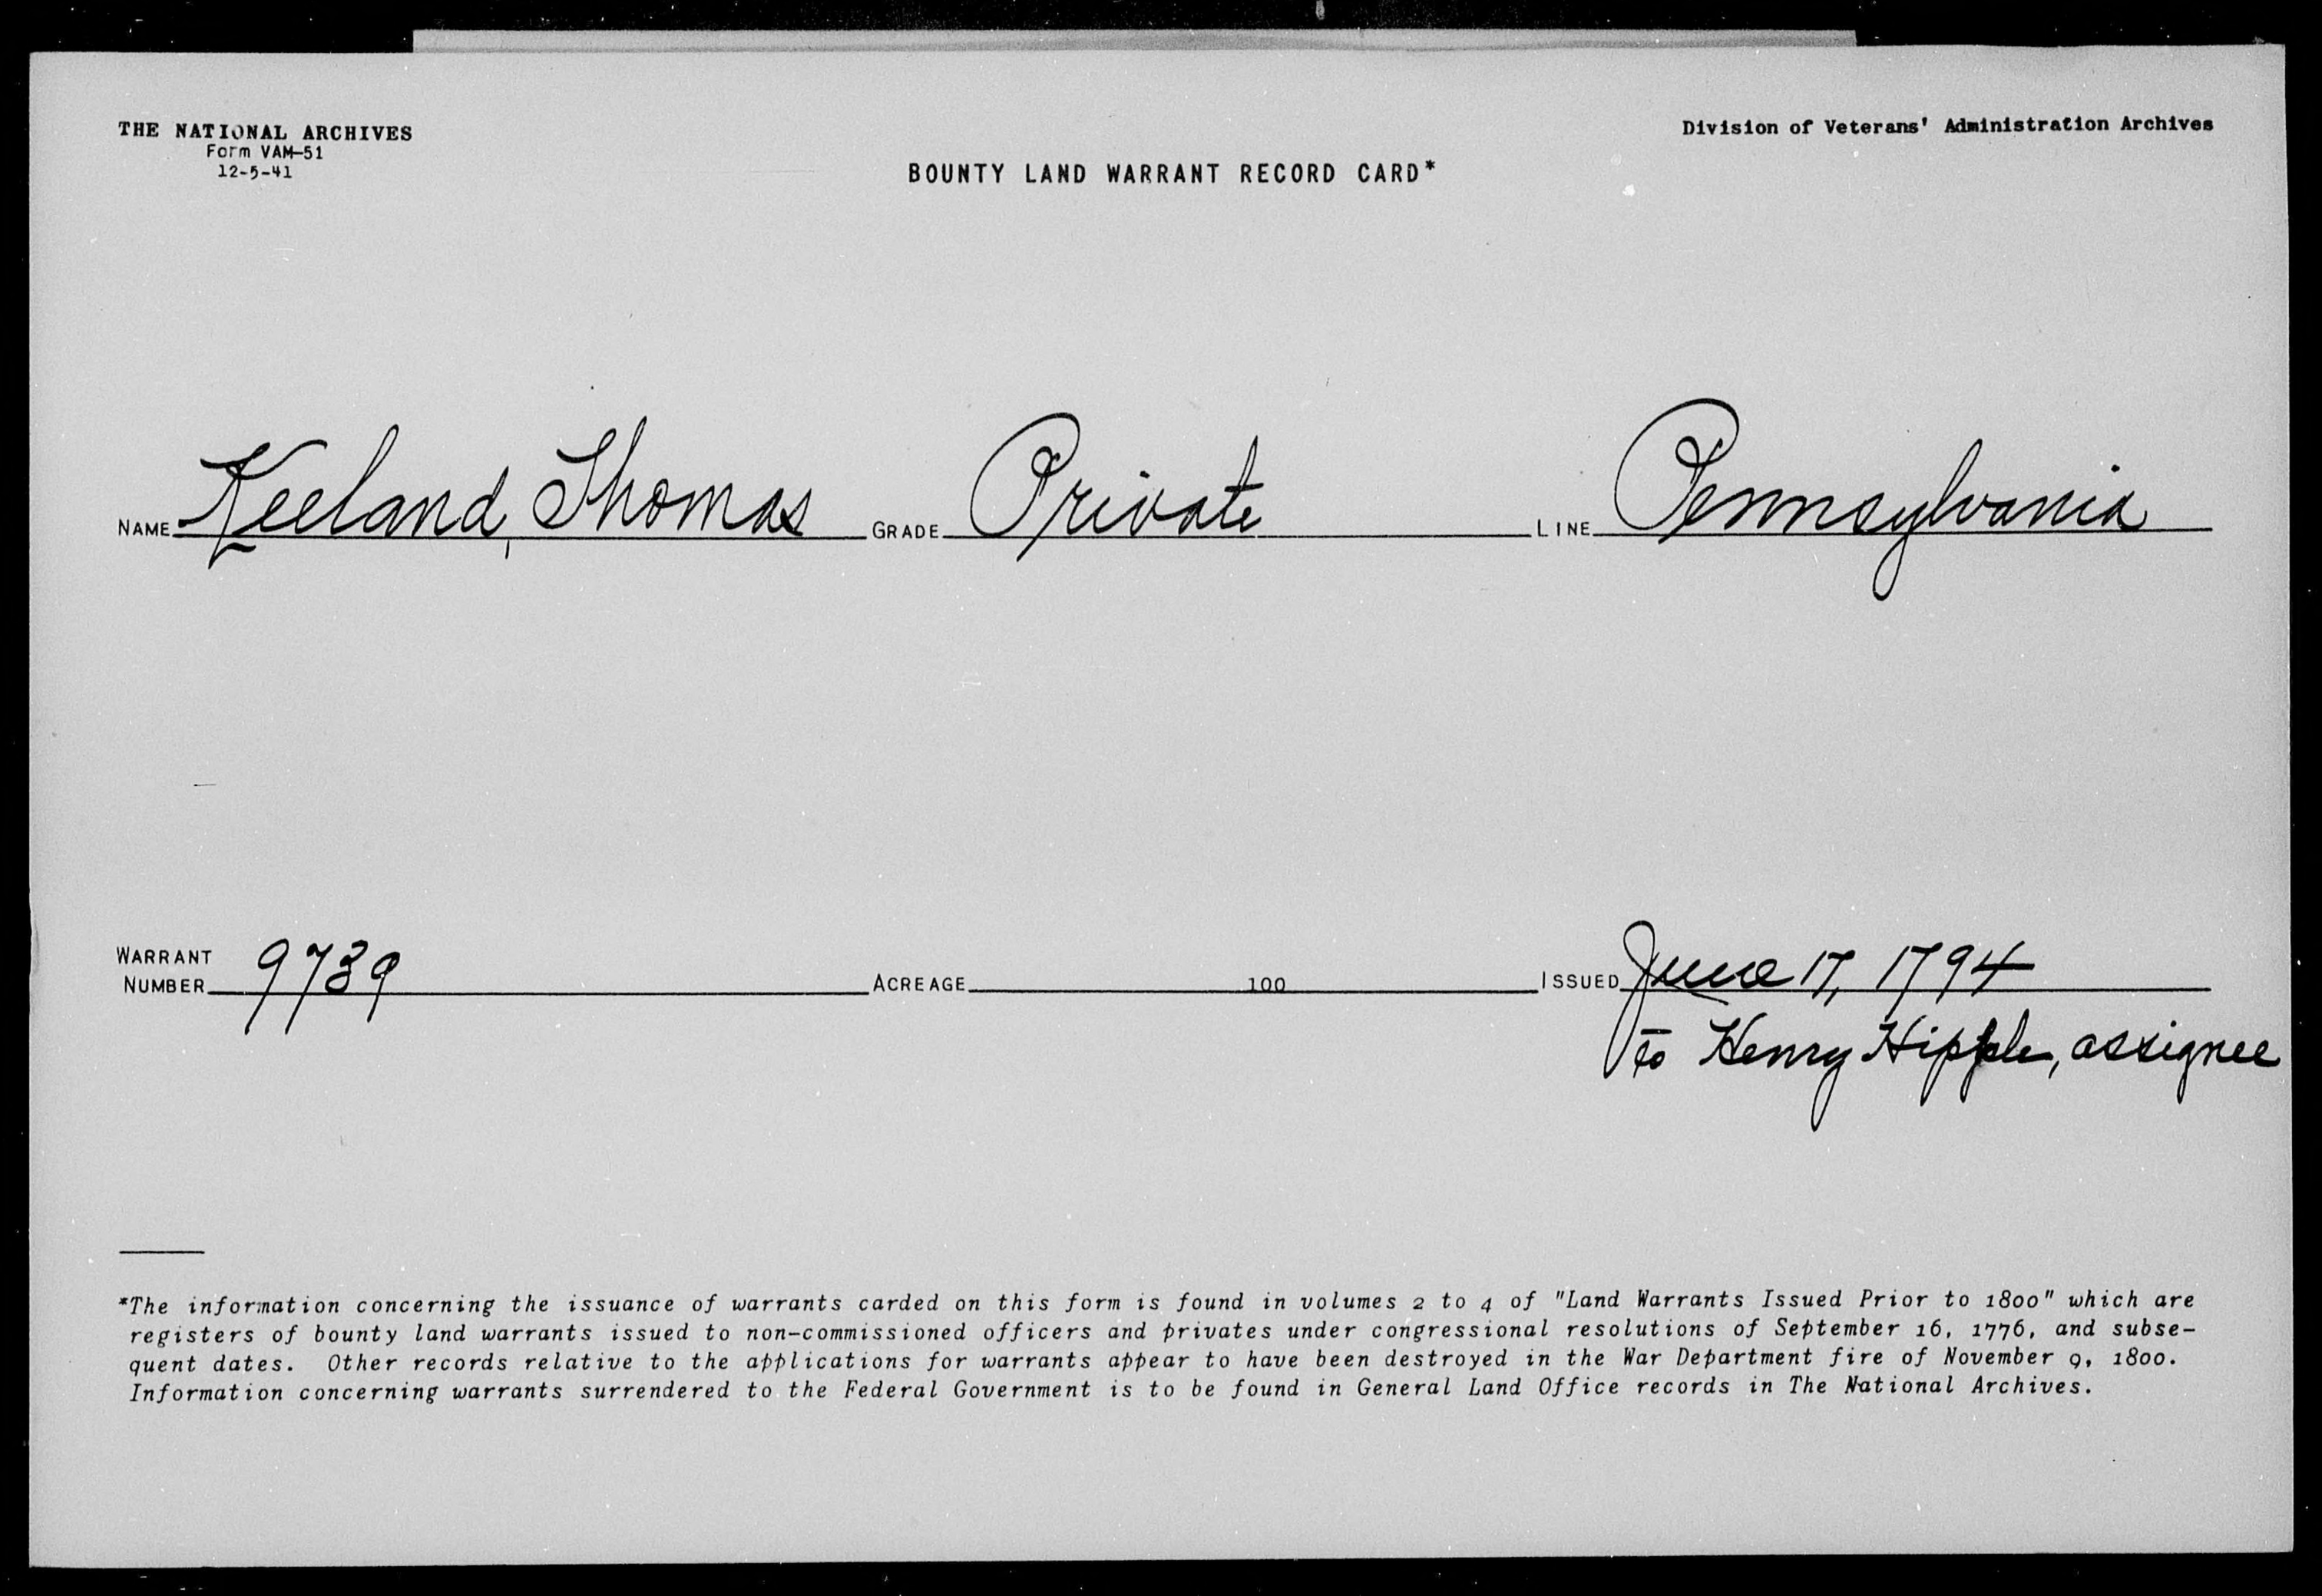THE NATIONAL ARCHIVES
Form VAN-51
12-5-41
BOUNTY LAND WARRANT RECORD
Division of Veteran's Administration Archives
NAME Keeland, Thomas
GRADE Private
LINE Pennsylvania
WARRENT NUMBER 9739
ACERAGE 100
ISSUE June 17, 1794
to-Henry Hipple, assignee
Notation: On file, not delivered."
*The information concerning the issuance of warrants carded on this form is found in volumes 2 to 4 of "Land Warrants Issued Prior to 1800" which are registers of bounty land warrants issued to non-commissioned officers and privates under congressional resolutions of September 16, 1776, and subsequent dates. Other records relative to the applications for warrants appear to have been destroyed in the War Department fire of November 9, 1800. Information concerning warrants surrendered to the General Government is to be found in General Land Office records in The National Archives.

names: Henry Hipple; Thomas Keeland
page: 16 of 16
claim: survivor's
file: S. 38110, for James Keelan, Maryland